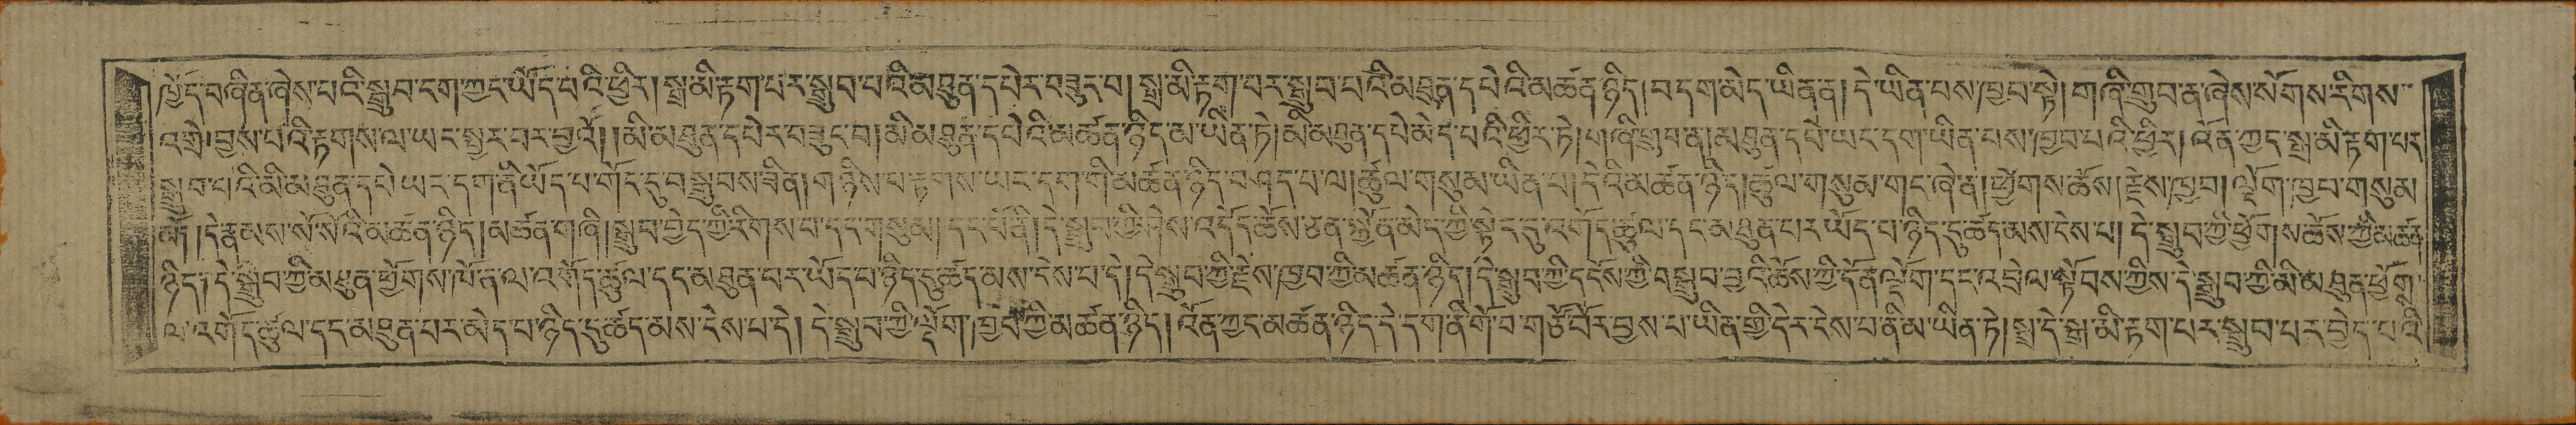ཁྱོད་བཞིན་ཞེས་པའི་སྒྲུབ་ངག་ཀྱང་ཡོད་པའི་ཕྱིར། སྒྲ་མི་རྟག་པར་སྒྲུབ་པའི་མཐུན་དཔེར་བཟུང་བ། སྒྲ་མི་རྟག་པར་སྒྲུབ་པའི་མཐུན་དཔེའི་མཚན་ཉིད། བདག་མེད་ཡིན་ན། དེ་ཡིན་པས་ཁྱབ་སྟེ། གཞི་གྲུབ་ན་ཞེས་སོགས་རིགས་
འགྲེ། བྱས་པའི་རྟགས་ལ་ཡང་སྦྱར་བར་བྱའོ། །མི་མཐུན་དཔེར་བཟུང་བ། མི་མཐུན་དཔེའི་མཚན་ཉིད་མ་ཡིན་ཏེ། མི་མཐུན་དཔེ་མེད་པའི་ཕྱིར་ཏེ། གཞི་གྲུབ་ན། མཐུན་དཔེ་ཡང་དག་ཡིན་པས་ཁྱབ་པའི་ཕྱིར། འོན་ཀྱང་སྒྲ་མི་རྟག་པར་
སྒྲུབ་པའི་མི་མཐུན་དཔེ་ཡང་དག་ནི་ཡོད་པ་གོང་དུ་བསྒྲུབས་ཟིན། གཉིས་པ་རྟགས་ཡང་དག་གི་མཚན་ཉིད་བཤད་པ་ལ། ཚུལ་གསུམ་ཡིན་པ། དེའི་མཚན་ཉིད། ཚུལ་གསུམ་གང་ཞེ་ན། ཕྱོགས་ཆོས། རྗེས་ཁྱབ། ལྡོག་ཁྱབ་གསུམ་
མོ༑ །དེ་རྣམས་སོ་སོའི་མཚན་ཉིད། མཚན་གཞི། སྒྲུབ་བྱེད་ཀྱི་རིགས་པ་དང་གསུམ། དང་པོ་ནི། དེ་སྒྲུབ་ཀྱི་ཤེས་འདོད་ཆོས་ཅན་སྐྱོན་མེད་ཀྱི་སྟེང་དུ་འགོད་ཚུལ་དང་མཐུན་པར་ཡོད་པ་ཉིད་དུ་ཚད་མས་ངེས་པ། དེ་སྒྲུབ་ཀྱི་ཕྱོགས་ཆོས་ཀྱི་མཚན་
ཉིད༑ དེ་སྒྲུབ་ཀྱི་མཐུན་ཕྱོགས་ཁོ་ན་ལ་འགོད་ཚུལ་དང་མཐུན་པར་ཡོད་པ་ཉིད་དུ་ཚད་མས་ངེས་པ་དེ། དེ་སྒྲུབ་ཀྱི་རྗེས་ཁྱབ་ཀྱི་མཚན་ཉིད། དེ་སྒྲུབ་ཀྱི་དངོས་ཀྱི་བསྒྲུབ་བྱའི་ཆོས་ཀྱི་དོན་ལྡོག་དང་འབྲེལ་སྟོབས་ཀྱིས་དེ་སྒྲུབ་ཀྱི་མི་མཐུན་ཕྱོགས་
ལ་འགོད་ཚུལ་དང་མཐུན་པར་མེད་པ་ཉིད་དུ་ཚད་མས་ངེས་པ་དེ། དེ་སྒྲུབ་ཀྱི་ལྡོག་ཁྱབ་ཀྱི་མཚན་ཉིད། འོན་ཀྱང་མཚན་ཉིད་དེ་ལྡག་ནི་གོ་བ་གཙོ་བོར་བྱས་པ་ཡིན་གྱི་དེར་ངེས་པ་ནི་མ་ཡིན་ཏེ། སྒྲ་དེ་སྒྲ་མི་རྟག་པར་སྒྲུབ་པར་བྱེད་པའི་